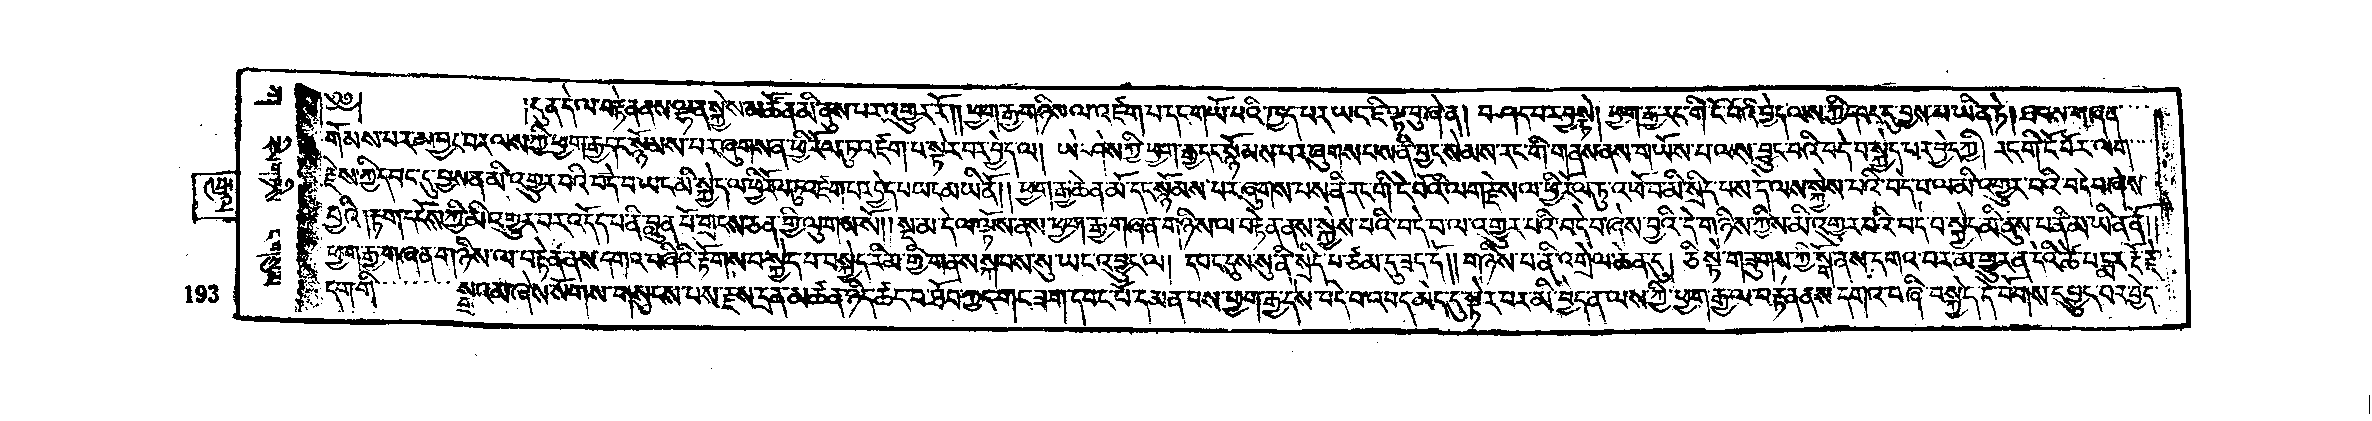༄༅། །དུན་དེ་ལ་བརྟེན་ནས་ལྷན་སྐྱེས་མཚོན་མི་ནུས་པར་འགྱུར་རོ། །ཕྱག་རྒྱ་གཉིས་ལ་འཛག་པ་དང་གཡོ་བའི་ཁྱད་པར་ཡང་ཇི་ལྟ་བུ་ཞེ་ན། བཤད་པར་བྱ་སྟེ། ཕྱག་རྒྱ་རང་གི་ངོ་བོའི་བྱེད་ལས་ཀྱི་དབང་དུ་བྱས་པ་ཡིན་ཏེ། ཐབས་གཞན་
གོམས་པར་མ་བྱང་བར་ལས་ཀྱི་ཕྱག་རྒྱ་དང་སྙོམས་པར་ཞུགས་ན་ཕྱི་རོལ་ཏུ་འཛག་པ་སྟེར་བར་བྱེད་ལ། ཡེ་ཤེས་ཀྱི་ཕྱག་རྒྱ་དང་སྙོམས་པར་ཞུགས་པས་ནི་བྱང་སེམས་རང་གི་གནས་ནས་གཡོས་པ་ལས་བྱུང་བའི་བདེ་བ་སྐྱེད་པར་བྱེད་ཀྱི། རང་གི་ངོ་བོར་ལག་
རྗེས་ཀྱི་དབང་དུ་བྱས་ན་མི་འགྱུར་བའི་བདེ་བ་ཡང་མི་སྐྱེད་ལ་ཕྱི་རོལ་ཏུ་འཛག་པར་བྱེད་པ་ཡང་མ་ཡིན་ནོ། །ཕྱག་རྒྱ་ཆེན་མོ་དང་སྙོམས་པར་ཞུགས་པས་ནི་རང་གི་ངོ་བོའི་ལག་རྗེས་ལ་ཕྱི་རོལ་ཏུ་འཕོ་བ་མི་སྲིད་པས་དེ་ལས་སྐྱེས་པའི་བདེ་བ་ལ་མི་འགྱུར་བའི་བདེ་བ་ཞེས་
བྱའི། །རྟག་དངོས་ཀྱི་མི་འགྱུར་བར་འདོད་པ་ནི་བླུན་པོ་གྲངས་ཅན་གྱི་ལུགས་སོ། །སྔ་མ་དེ་ལ་ལྟོས་ནས་ཕྱག་རྒྱ་གཞན་གཉིས་ལ་བརྟེན་ནས་སྐྱེས་པའི་བདེ་བ་ལ་འགྱུར་བའི་བདེ་བ་ཞེས་བྱའི་དེ་གཉིས་ཀྱིས་མི་འགྱུར་བའི་བདེ་བ་སྐྱེད་མི་ནུས་པ་ནི་མ་ཡིན་ནོ། །
ཕྱག་རྒྱ་གཞན་གཉིས་ལ་བརྟེན་ནས་དགའ་བཞིའི་རྟོགས་པ་སྐྱེད་པ་བསྐྱེད་རིམ་གྱི་གནས་སྐབས་སུ་ཡང་འབྱུང་ལ། དབང་དུས་སུ་ནི་སྲིད་པ་ཙམ་དུ་ཟད་དོ། །གཉིས་པ་ནི་འགྲེལ་ཆེན་དུ། ཅི་སྟེ་གཟུགས་ཀྱི་སྒོ་ནས་དགའ་བར་མ་གྱུར་ན་དེའི་ཚེ་པདམར་རྡོ་རྗེ་
དག་གི་སྒྲའམ་ཞེས་སོགས་གསུངས་པས་རྗེས་དྲན་མཚན་ཉིད་ཚང་བ་ཐོབ་ཀྱང་གང་ཟག་དབང་པོ་དམན་པས་ཕྱག་རྒྱ་དེས་བདེ་བ་འབད་མེད་དུ་སྟེར་བར་མི་བྱེད་ན་ལས་ཀྱི་ཕྱག་རྒྱལ་བརྟེན་ནས་དགའ་བཞི་བསྐྱེད་དེ་བོགས་དབྱུང་བར་བྱེད་